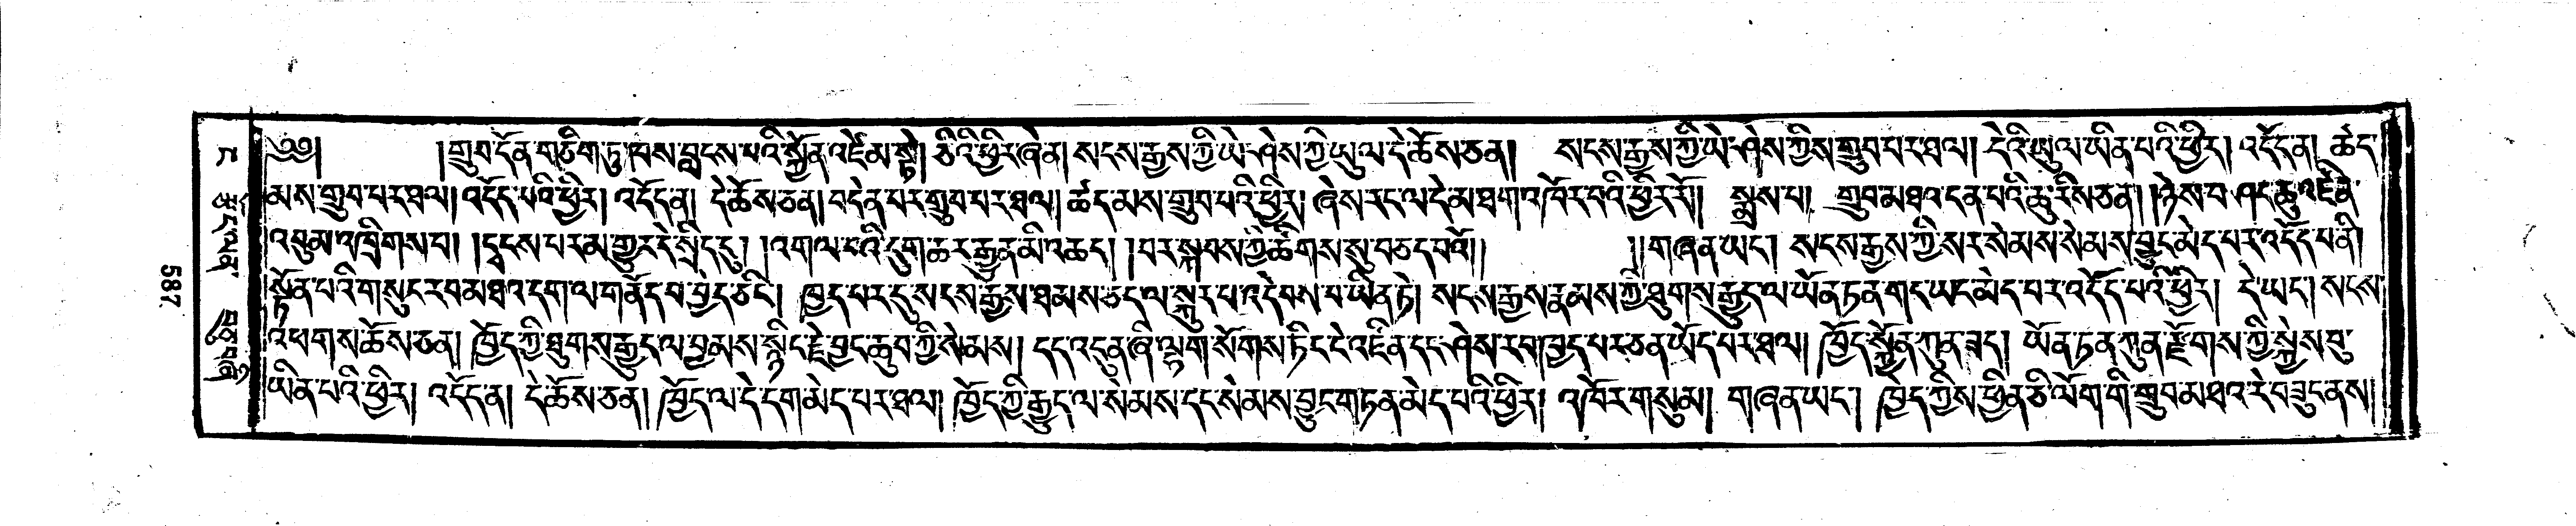༄༅། །གྲུབ་དོན་གཅིག་ཏུ་ཁས་བླངས་པའི་སྐྱོན་འཛེམ་སྟེ། ཅིའི་ཕྱིར་ཞེ་ན། སངས་རྒྱས་ཀྱི་ཡེ་ཤེས་ཀྱི་ཡུལ་དེ་ཆོས་ཅན། སངས་རྒྱས་ཀྱི་ཡེ་ཤེས་ཀྱིས་གྲུབ་པར་ཐལ། དེའི་ཡུལ་ཡིན་པའི་ཕྱིར། འདོད་ན། ཚད་
མས་གྲུབ་པར་ཐལ། འདོད་པའི་ཕྱིར། འདོད་ན། དེ་ཆོས་ཅན། བདེན་པར་གྲུབ་པར་ཐལ། ཚད་མས་གྲུབ་པའི་ཕྱིར། ཞེས་རང་ལ་དེ་མ་ཐག་འཁོར་བའི་ཕྱིར་རོ། །སྨྲས་པ། གྲུབ་མཐའ་ངན་པའི་ཆུ་རིས་ཅན། །ཉེས་བཤད་ཆུ་འཛིན་
འབུམ་འཁྲིགས་པ། །དྭངས་པར་མ་གྱུར་དེ་སྲིད་དུ། །འགལ་བའི་དུག་ཆར་རྒྱུན་མི་འཆད། །བར་སྐབས་ཀྱི་ཚིགས་སུ་བཅད་པའོ།། །།གཞན་ཡང་། སངས་རྒྱས་ཀྱི་སར་སེམས་སེམས་བྱུང་མེད་པར་འདོད་པ་ནི།
སྟོན་པའི་གསུང་རབ་མཐའ་དག་ལ་གནོད་པ་བྱེད་ཅིང་། ཁྱད་པར་དུ་སངས་རྒྱས་ཐམས་ཅད་ལ་སྐུར་པ་འདེབས་པ་ཡིན་ཏེ། སངས་རྒྱས་རྣམས་ཀྱི་ཐུགས་རྒྱུད་ལ་ཡོན་ཏན་གང་ཡང་མེད་པར་འདོད་པའི་ཕྱིར། དེ་ཡང་། སངས་
འཕགས་ཆོས་ཅན། ཁྱོད་ཀྱི་ཐུགས་རྒྱུད་ལ་བྱམས་སྙིང་རྗེ་བྱང་ཆུབ་ཀྱི་སེམས། དད་འདུན་ཞི་ལྷག་སོགས་ཏིང་ངེ་འཛིན་དང་ཤེས་རབ་ཁྱད་པར་ཅན་ཡོད་པར་ཐལ། ཁྱོད་སྐྱོན་ཀུན་ཟད། ཡོན་ཏན་ཀུན་རྫོགས་ཀྱི་སྐྱེས་བུ་
ཡིན་པའི་ཕྱིར། འདོད་ན། དེ་ཆོས་ཅན། ཁྱོད་ལ་དེ་དག་མེད་པར་ཐལ། ཁྱོད་ཀྱི་རྒྱུད་ལ་སེམས་དང་སེམས་བྱུང་གཏན་མེད་པའི་ཕྱིར། འཁོར་གསུམ། གཞན་ཡང་། ཁྱེད་ཀྱིས་ཕྱིན་ཅི་ལོག་གི་གྲུབ་མཐའ་རེ་བཟུང་ནས།